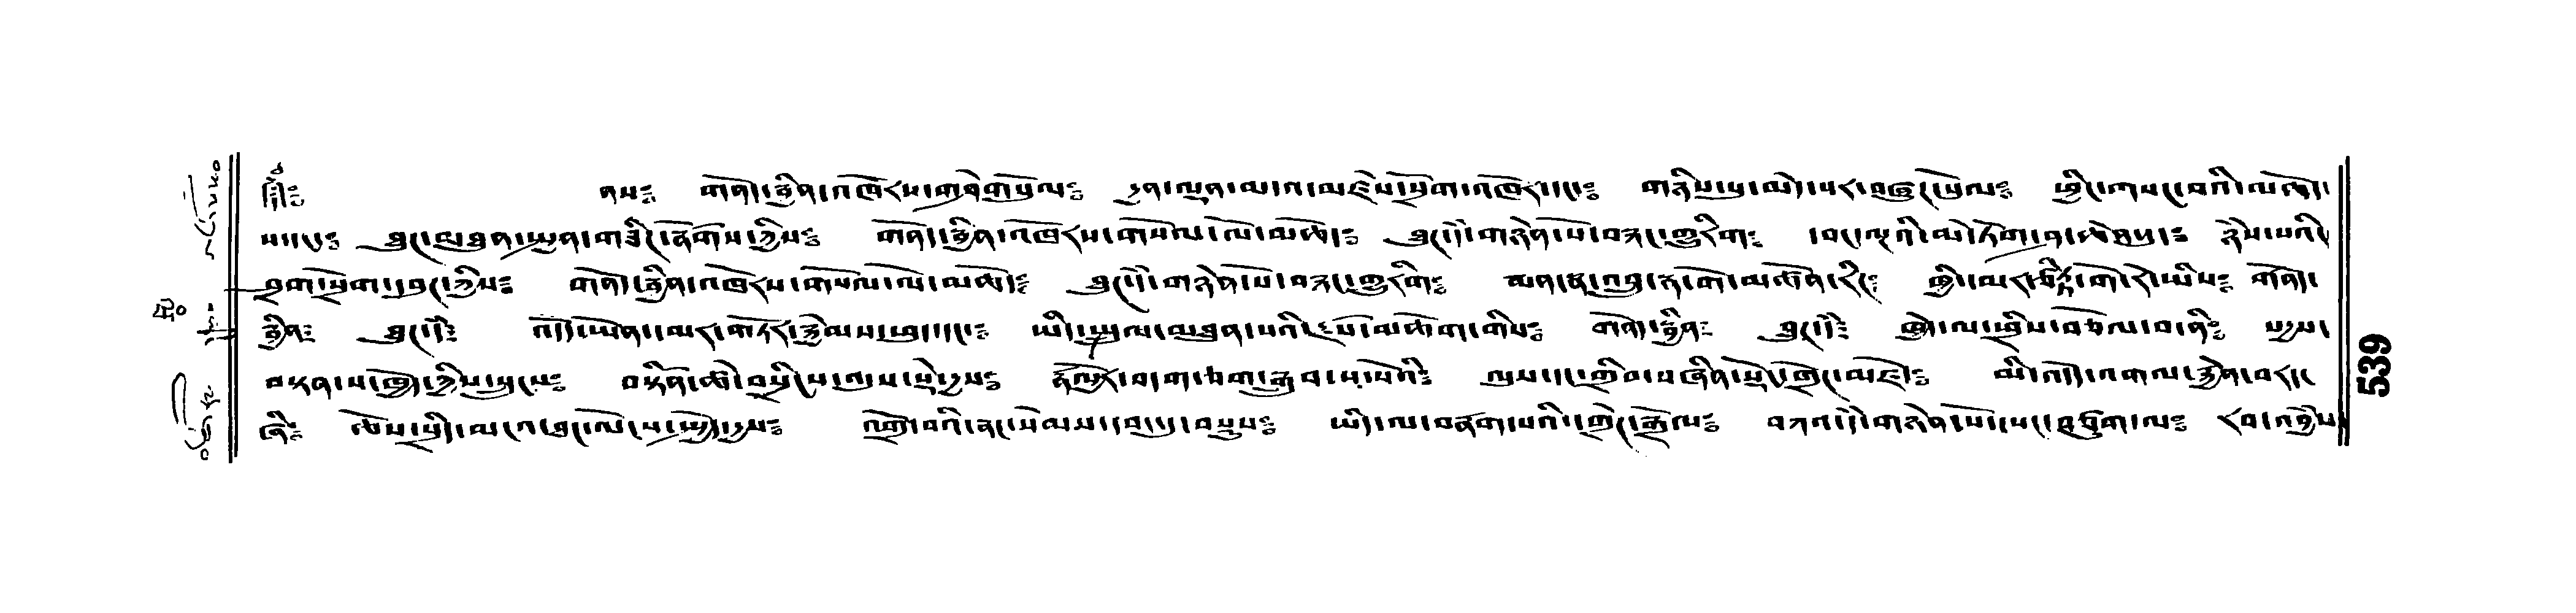ནས༔ གནོད་སྦྱིན་འཁོར་བཅས་གཤེགས་སུ་གསོལ༔ རྒྱན་ལྡན་དགའ་མཛེས་སྲོག་འཁོར་དང༔ གཉིས་སུ་མེད་པར་བཞུགས་སུ་གསོལ༔ ཕྱི་ནང་གསང་བའི་མཆོད་
པ་དང༔ ཐུགས་མཐུན་སྤྱན་གཟིགས་སྣ་ཚོགས་ཀྱིས༔ གནོད་སྦྱིན་འཁོར་འདས་གསོལ་ལོ་མཆོད༔ ཐུགས་དམ་གཉེན་པོ་བསྐང་གྱུར་ཅིག༔ དབང་ལྔའི་མེ་ཏོག་ཤ་ཆེན་དུད༔ ཉམས་པའི་
ཤ་ཁྲག་སྲོག་དབུགས་ཀྱིས༔ གནོད་སྦྱིན་འཁོར་འདས་གསོལ་ལོ་མཆོད༔ ཐུགས་དམ་གཉེན་པོ་བསྐང་གྱུར་ཅིག༔ སྨན་སྣ་འབྲུ་སྣ་གོ་མཚོན་རིགས༔ ཁྱི་དམར་ཙིཏྟ་གོ་རེ་ཡིས༔ གནོད་
སྦྱིན༴ ཐུགས་དམ༴ འདོད་ཡོན་དམར་གཏོར་སྐྱེམས་ཕུད་དང༔ ཡིད་སྤྲུལ་མཐུན་པའི་རྫས་མཆོག་གིས༔ གནོད་སྦྱིན༴ ཐུགས་དམ༴ ཁྱེད་ལས་ཕྲིན་ལས་བཅོལ་བ་ནི༔ སངས་རྒྱས་
བསྟན་པ་ཁྱོད་ཀྱིས་སྲུངས༔ བསྟན་འཛིན་ཚེ་བསྲིངས་འདུས་སྡེ་རྒྱས༔ རྣལ་འབྱོར་བདག་ཅག་སྒྲུབ་པ་པོའི༔ ལུས་དང་གྲིབ་བཞིན་སྡོང་གྲོགས་མཛོད༔ མི་འདོད་འགལ་རྐྱེན་བར་ཆད་
ཞི༔ ཆོས་སྲིད་མངའ་ཐང་ལོངས་སྤྱོད་རྒྱས༔ འགྲོ་བའི་སྣང་སེམས་དབང་དུ་བསྡུས༔ ཡིད་ལ་བརྣག་པའི་དགྲ་བགེགས་སྒྲོལ༔ བཀའ་དམ་གཉེན་པོ་དཔང་བཙུགས་ལ༔ རབ་འབྱམས་